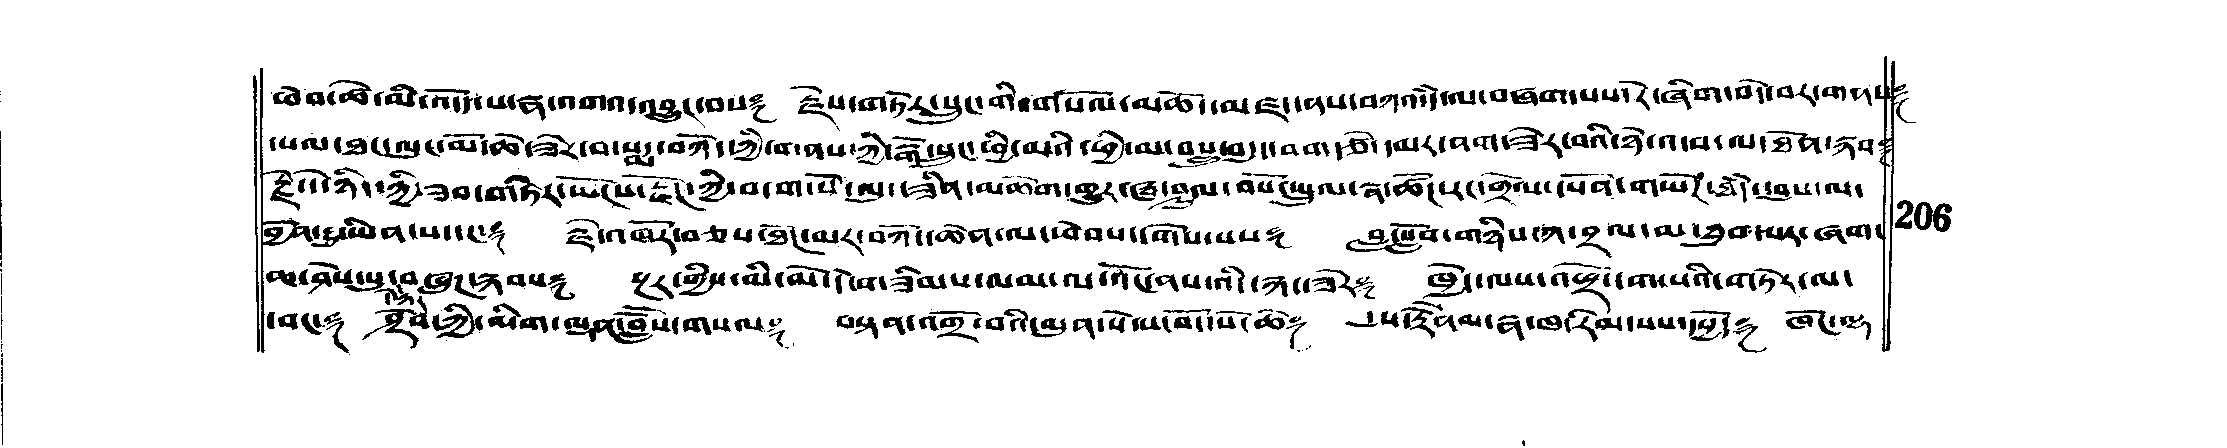ཕེབས་ཚེ་མི་འདོད་པ་སྣ་འགའ་བྱུང་བས། རྗེས་གཏེར་སྲུང་གི་གསོལ་མཆོད་མཛད་ནས་བཀའ་དམ་ལ་བཞག་པས་རེ་ཞིག་བདེ་བར་གནས། 
དཔལ་ཐང་ལུང་མོ་ཆེ་ཟེར་བ་པདྨ་བཀོད་ཀྱི་གནས་ཀྱི་སྒོ་སྲུང་ཕྱི་མའི་ཕྱི་མ་བསླུ་བདུད་བག་ཙེ་དམར་ནག་ཟེར་བའི་ཉེ་འདབ་ལ་ཐོན་སྐབས། 
རྗེ་དེ་ཉིད་ཀྱི་ཟབ་གཏེར་ཡོངས་རྫོགས་ཀྱི་བདག་པོ་ལུང་ཟིན་མཆོག་གྱུར་ཝ་ཤུལ་བསོ་སྤྲུལ་སྣ་ཚོགས་རང་གྲོལ་དཔོན་གཡོག་ཐམས་ཅད་དབུས་ལ་
བྱོན་རྒྱུ་ཡིན་པ་དང་།རྗེ་འཁོར་བཅས་ཐོག་མར་བཀོད་ཆེན་ལ་ཕེབས་དགོས་པས། བླ་སློབ་གཉིས་ཀ་བྲལ་མ་ཐུབ་པར་ཞག་
ཆ་ཤས་སུ་དེ་ཀར་བཞུགས་སྐབས། སྔར་གྱིས་མི་མོ་དེ་གཟིམས་ལམ་ལ་འོང་ནས་འདི་སྐད་ཟེར། ཁྱོད་ལས་འཕྲོ་དག་པའི་གཏེར་ལ་
དབང་། །ཤེས་རབ་ཀྱི་མིག་ལྡན་བློ་གྲོས་གསལ། །བསྟན་འགྲོ་བའི་མུན་སེལ་འོད་པོ་ཆེ། །དུས་རྟེན་འབྲེལ་སྣ་ཁ་རིམ་པས་དཔྱོད། ཁོང་ལྷ་